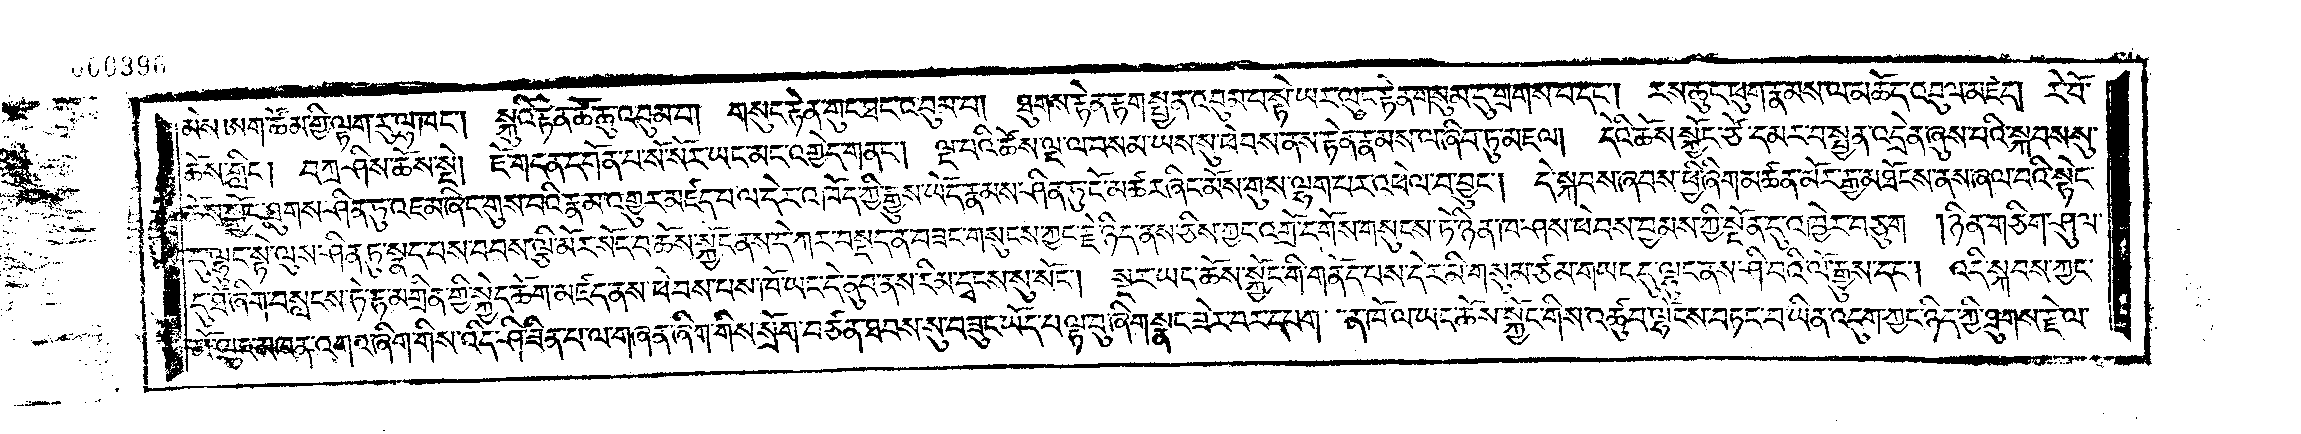མེས་ཨག་ཚོམ་གྱི་ལྟག་རུ་ལྷ་ཁང་། སྐུའི་རྟེན་ཚེ་ཆུ་འབུམ་པ། གསུང་རྟེན་གུང་ཐང་འབུམ་པ། ཐུགས་རྟེན་རྟག་སྤྱན་འབུམ་པ་སྟེ་ཡར་ལུང་རྟེན་གསུམ་དུ་གྲགས་པ་དང་། རས་ཆུང་ཕུག་རྣམས་ལ་མཆོད་འབུལ་མཛད། རི་པོ་
ཆོས་གླིང་། བཀྲ་ཤིས་ཆོས་སྡེ། ཇོ་གདན་དགོན་པ་སོ་སོར་ཡང་མང་འགྱེད་གནང་། ལྔ་པའི་ཚེས་ལྔ་ལ་བསམ་ཡས་སུ་ཕེབས་ནས་རྟེན་རྣམས་ལ་ཞིབ་ཏུ་མཇལ། དེའི་ཆོས་སྐྱོང་ཙེ་དམར་བ་སྤྱན་འདྲེན་ཞུས་པའི་སྐབས་སུ་
ཆོས་སྐྱོང་ཐུགས་ཤིན་ཏུ་འཇམ་ཞིང་གུས་པའི་རྣམ་འགྱུར་མཛད་པ་ལ་དེར་འཁོད་ཀྱི་རྒྱུས་ཡོད་རྣམས་ཤིན་ཏུ་ངོ་མཚར་ཞིང་མོས་གུས་ལྷག་པར་འཕེལ་པ་བྱུང་། དེ་སྐབས་ཞབས་ཕྱི་ཞིག་མཚན་མོར་རྒྱ་མཐོངས་ནས་ཞལ་བའི་སྟེང་
དུ་ལྷུང་སྟེ་ལུས་ཤིན་ཏུ་སྣད་པས་བབས་ལྕི་མོར་སོང་བ་ཆོས་སྐྱོང་ནས་དེ་ཀར་བསྡད་ན་བཟང་གསུངས་ཀྱང་རྗེ་ཉིད་ནས་ཅིས་ཀྱང་འགྲོ་དགོས་གསུངས་ཏེ་ཉིན་ཁ་ཤས་ཕེབས་བྱམས་ཀྱི་སྔོན་དུ་འཁྱེར་བཅུག །ཉིན་གཅིག་ཤུལ་
དུ་ཐོ་ཞིག་བསླངས་ཏེ་རྟ་མགྲིན་གྱི་སྐྱེད་ཆོག་མཛད་ནས་ཕེབས་པས་ཁོ་ཡང་དེ་ནུབ་ནས་རིམ་དྭངས་སུ་སོང་། སྔར་ཡང་ཆོས་སྐྱོང་གི་གནོད་པས་དེར་མི་གསུམ་ཙམ་གཡང་དུ་ལྷུང་ནས་ཤི་བའི་ལོ་རྒྱུས་དང་། འདི་སྐབས་ཀྱང་
མོ་ལུང་མཁན་འགའ་ཞིག་གིས་འདི་ཤི་ཟིན་པ་ལ་གཞན་ཞིག་གིས་སྲོག་བཙན་ཐབས་སུ་བཟུང་ཡོད་པ་ལྟ་བུ་ཞིག་སྣང་ཟེར་བར་དཔག་ན་ཁོ་ལ་ཡང་ཆོས་སྐྱོང་གིས་འཚུབ་ལྷོངས་བཏང་བ་ཡིན་འདུག་ཀྱང་ཉིད་ཀྱི་ཐུགས་རྗེ་ལ་